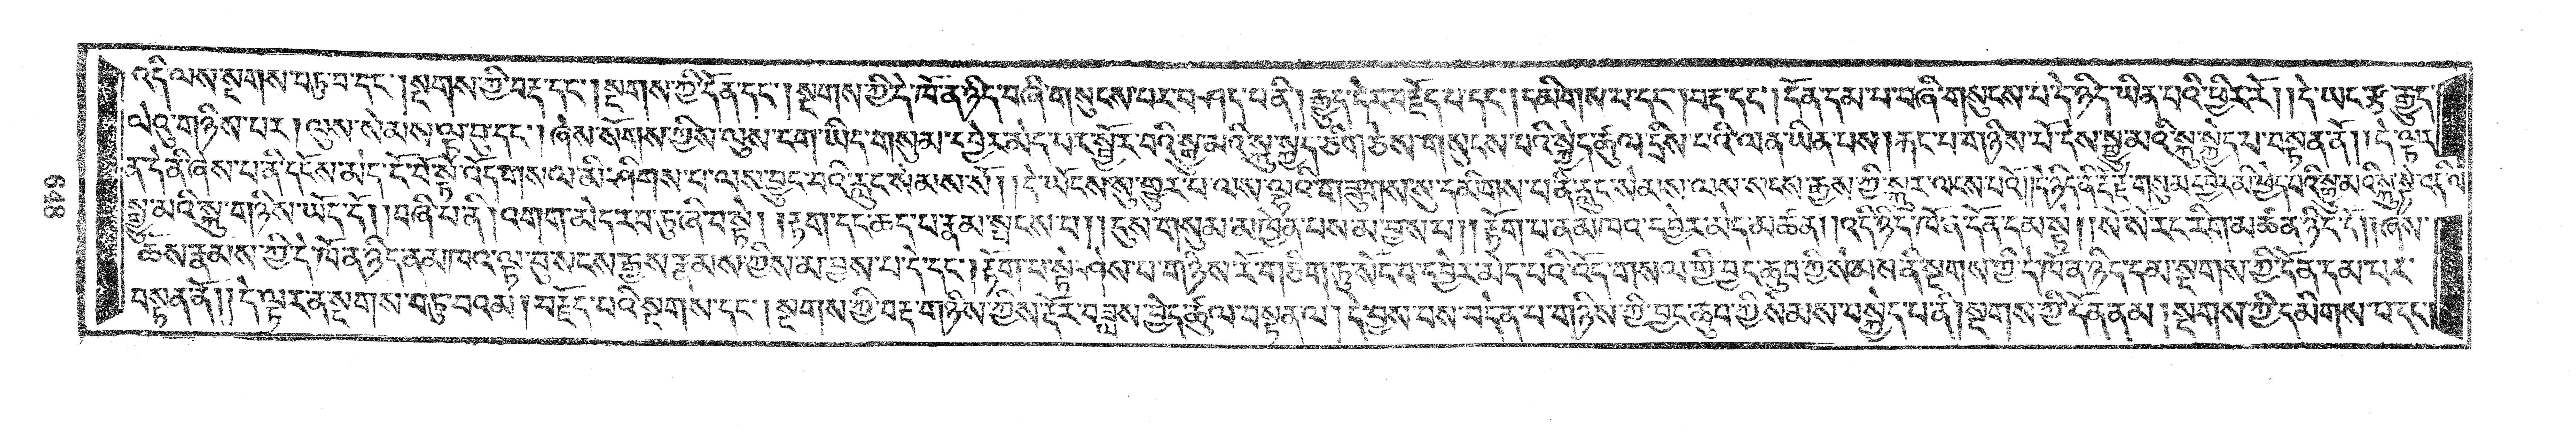འདི་ལས་སྲགས་བཏུ་བ་དང་། སྔགས་ཀྱི་བརྡ་དང་། སྔགས་ཀྱི་དོན་དང་། སྔགས་ཀྱི་དེ་ཁོ་ན་ཉིད་བཞི་གསུངས་པར་བཤད་པ་ནི། རྒྱུད་དེར་བརྗོད་པ་དང་། དམིགས་པ་དང་། བརྡ་དང་། དོན་དམ་པ་བཞི་གསུངས་པ་དེ་ཉིད་ཡིན་པའི་ཕྱིར་རོ། །དེ་ཡང་རྩ་རྒྱུད་
ལེའུ་གཉིས་པར། ལུས་སེམས་ལྟ་བུ་དང་། ཞེས་སོགས་ཀྱིས་ལུས་ངག་ཡིད་གསུམ་དབྱེར་མེད་པར་སྦྱོར་བའི་སྒྱུ་མའི་སྐུ་སྐྱེད་ཅིག་ཅེས་གསུངས་པའི་སྐྱེད་ཚུལ་དྲིས་པའི་ལན་ཡིན་པས། རྐང་པ་གཉིས་པོ་དེས་སྒྱུ་མའི་སྐུ་སྐྱེད་པ་བསྟན་ནོ། །དེ་ལྟར་
ན་དེ་ནི་ཞེས་པ་ནི་དངོས་མེད་ངོ་བོ་སྟེ་འོད་གསལ་མི་ཤིགས་པ་ལས་བྱུང་བའི་རླུང་སེམས་སོ། །དེ་ཡོངས་སུ་གྱུར་པ་ལས་ལྷའི་གཟུགས་སུ་དམིགས་པ་ནི་རླུང་སེམས་ལས་སངས་རྒྱས་ཀྱི་སྐུར་ལའངས་པའོ། །དེ་ཉིད་ནི་རྡོ་རྗེ་གསུམ་དབྱེར་མི་ཕྱེད་པའི་སྒྱུ་མའི་སྐུ་སྟེ་འདི་ལ་
སྒྱུ་མའི་སྐུ་གཉིས་ཡོད་དོ། །བཞི་པ་ནི། འགག་མེད་རབ་ཏུ་ཞི་བ་སྟེ། །རྟག་དང་ཆད་པ་རྣམ་སྤངས་པ། །དུས་གསུམ་མཁྱེན་པས་མ་བྱས་པ། །རྟོག་པ་ནམ་མཁའ་དབྱེར་མེད་མཚན། །འདི་ཉིད་ཁོ་ན་དོན་དམ་སྟེ། །སོ་སོ་རང་རིག་མཚན་ཉིད་དོ། །ཞེས་
ཆོས་རྣམས་ཀྱི་དེ་ཁོ་ན་ཉིད་ནམ་མཁའ་ལྟ་བུ་སངས་རྒྱས་རྣམས་ཀྱིས་མ་བྱས་པ་དེ་དང་། རྟོག་པ་སྟེ་ཤེས་པ་གཉིས་རོ་གཅིག་ཏུ་སོང་བ་དབྱེར་མེད་པའི་འོད་གསལ་གྱི་བྱང་ཆུབ་ཀྱི་སེམས་ནི་སྔགས་ཀྱི་དེ་ཁོ་ན་ཉིད་དམ་སྔགས་ཀྱི་དོན་དམ་པར་
བསྟན་ནོ། །དེ་ལྟར་ན་སྔགས་བཏུ་བའམ། བརྗོད་པའི་སྔགས་དང་། སྔགས་ཀྱི་བརྡ་གཉིས་ཀྱིས་རྡོར་བཟླས་བྱེད་ཚུལ་བསྟན་ལ། དེ་བྱས་པས་བདེན་པ་གཉིས་ཀྱི་བྱང་ཆུབ་ཀྱི་སེམས་བསྐྱེད་པ་ནི། སྔགས་ཀྱི་དོན་ནམ། སྔགས་ཀྱི་དམིགས་པ་དང་།